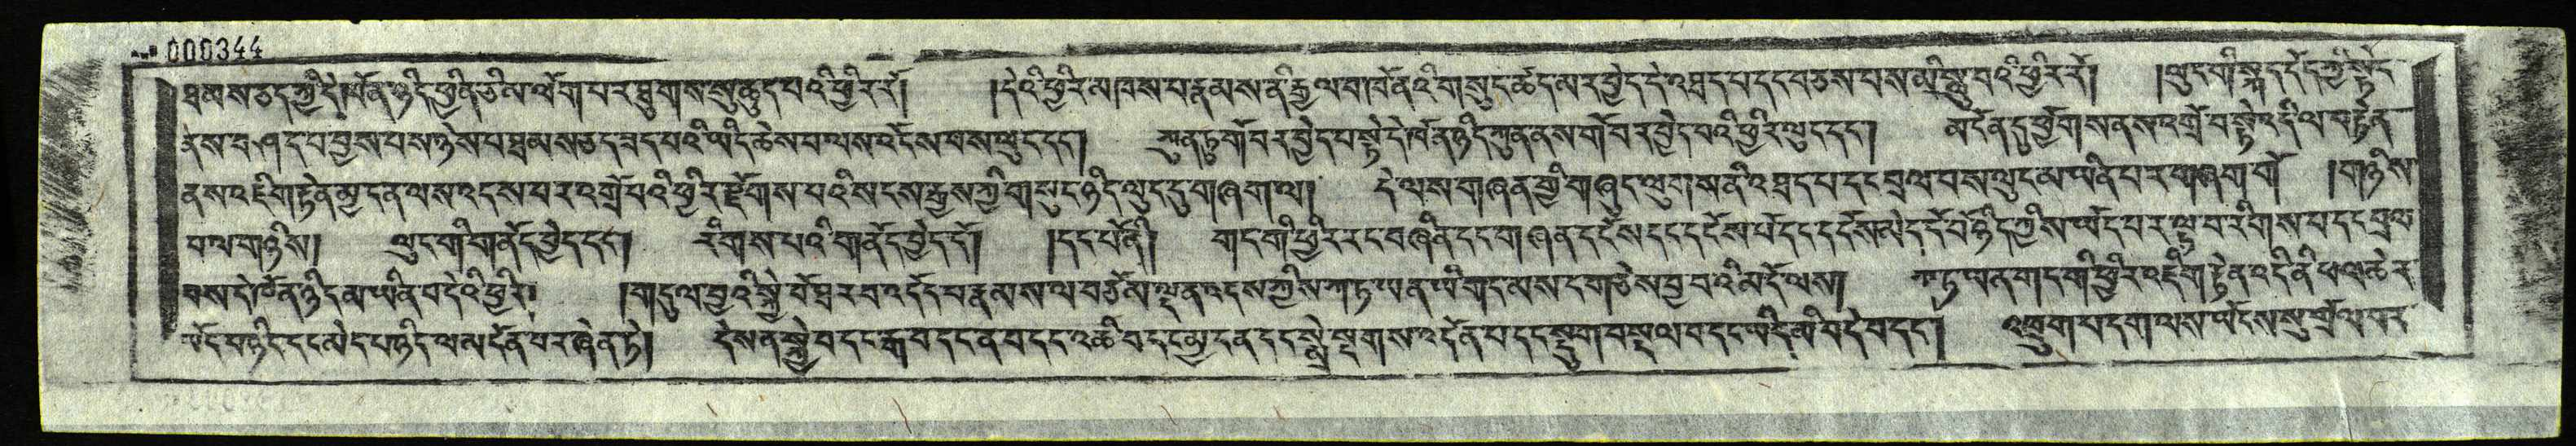ཐམས་ཅད་ཀྱི་དེ་ཁོ་ན་ཉིད་ཕྱིན་ཅི་མ་ལོག་པར་ཐུགས་སུ་ཆུད་པའི་ཕྱིར་རོ། །དེའི་ཕྱིར་མཁས་པ་རྣམས་ནི་རྒྱལ་བ་ཁོ་ནའི་གསུང་ཚད་མར་བྱེད་དེ་འཐད་པ་དང་བཅས་པས་མི་སླུ་བའི་ཕྱིར་རོ། །ལུང་གི་སྐད་དོད་ཀྱི་སྟེང་
ནས་བཤད་པ་བྱས་པས་ཉེས་པ་ཐམས་ཅད་ཟད་པའི་ཡིད་ཆེས་པ་ལས་འོངས་པས་ལུང་དང་། ཀུན་ཏུ་གོ་བར་བྱེད་པ་སྟེ་དེ་ཁོ་ན་ཉིད་ཀུན་ནས་གོ་བར་བྱེད་པའི་ཕྱིར་ལུང་དང་། མངོན་དུ་ཕྱོགས་ནས་འགྲོ་བ་སྟེ་འདི་ལ་བརྟེན་
ནས་འཇིག་རྟེན་མྱ་ངན་ལས་འདས་པར་འགྲོ་བའི་ཕྱིར་རྫོགས་པའི་སངས་རྒྱས་ཀྱི་གསུང་ཉིད་ལུང་དུ་གཞག་ལ། དེ་ལས་གཞན་གྱི་གཞུང་ལུགས་ནི་འཐད་པ་དང་བྲལ་བས་ལུང་མ་ཡིན་པར་གཞག་གོ །གཉིས་
བ་ལ་གཉིས། ལུང་གི་གནོད་བྱེད་དང་། རིགས་པའི་གནོད་བྱེད་དོ། །དང་པོ་ནི། གང་གི་ཕྱིར་རང་བཞིན་དང་གཞན་དངོས་དང་དངོས་པོ་དང་དངོས་མེད་ངོ་བོ་ཉིད་ཀྱིས་ཡོད་པར་ལྟ་བ་རིགས་པ་དང་བྲལ་
ཕ༹བས་དེ་ཁོ་ན་ཉིད་མ་ཡིན་པ་དེའི་ཕྱིར། །གདུལ་བྱའི་སྐྱེ་བོ་ཐར་བ་འདོད་པ་རྣམས་ལ་བཅོམ་ལྡན་འདས་ཀྱིས་ཀ་ཏ་ཡན་ཡི་གང་མས་ངག་ཅེས་བྱ་བའི་མདོ་ལས། ཀ་ཏ་ཡ་ན་གང་གི་ཕྱིར་འཇིག་རྟེན་འདི་ནི་ཕལ་ཆེར་
ཡོད་པ་ཉིད་དང་མེད་པ་ཉིད་ལ་མངོན་པར་ཞེན་ཏེ། དེས་ན་སྐྱེ་བ་དང་རྒ་བ་དང་ན་བ་དང་འཆི་བ་དང་མྱ་ངན་དང་སྨྲེ་སྔགས་འདོན་པ་དང་སྡུག་བསྔལ་བ་དང་ཡིད་མི་བདེ་བ་དང་། འཁྲུག་པ་དག་ལས་ཡོངས་སུ་གྲོལ་བར་